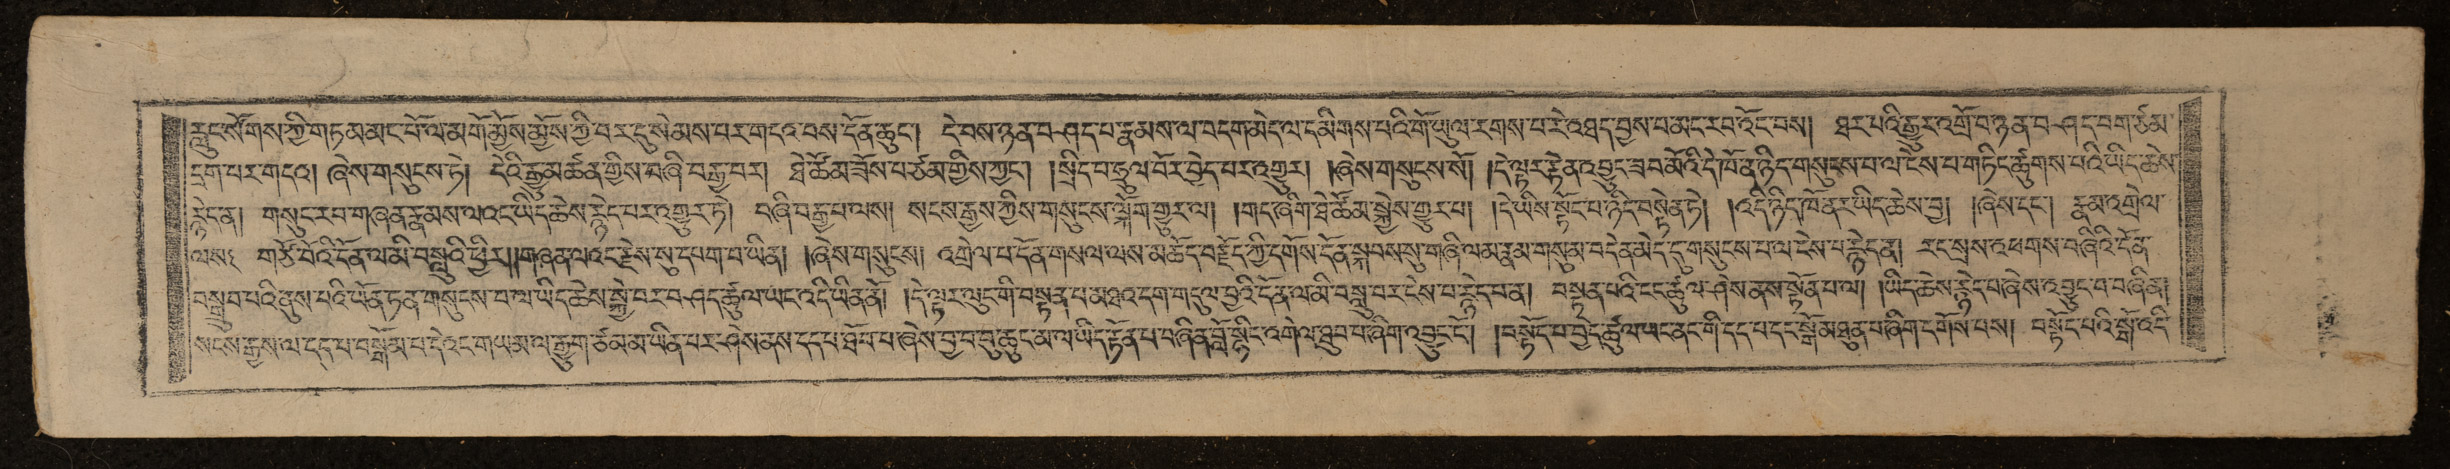རླུང་སོགས་ཀྱི་གཏམ་མང་བོ་ལ་མགོ་མྱོས་མྱོས་ཀྱི་བར་དུ་སེམས་བར་གདའ་བས་དོན་ཆུང་། དེ་བས་ཉན་བཤད་པ་རྣམས་ལ་བདག་མེད་ལ་དམིགས་པའི་གོ་ཡུལ་རགས་པ་རེ་འཐད་བྱས་བ་མངར་བ་འོང་བས། ཐར་པའི་རྒྱུར་འགྲོ་བ་ཉན་བཤད་བ་ཙམ་
དྲག་པར་གདའ། ཞེས་གསུངས་ཏེ། དེའི་རྒྱུ་མཚན་གྱིས་བཞི་བརྒྱ་བར། ཐེ་ཚོམ་ཟོས་བ་ཙམ་གྱིས་ཀྱང་། །སྲིད་པ་ཧྲུལ་བོར་བྱེད་པར་འགྱུར། །ཞེས་གསུངས་སོ། །དེ་ལྟར་རྟེན་འབྱུང་ཟབ་མོའི་དེ་ཁོ་ན་ཉིད་གསུངས་པ་ལ་ངེས་པ་གཏིང་ཚུགས་པའི་ཡིད་ཆེས་
རྙེད་ན། གསུང་རབ་གཞན་རྣམས་ལའང་ཡིད་ཆེས་རྙེད་བར་འགྱུར་ཏེ། བཞི་བརྒྱ་པ་ལས། སངས་རྒྱས་ཀྱིས་གསུངས་ལྐོག་གྱུར་ལ། །གང་ཞིག་ཐེ་ཚོམ་སྐྱེས་གྱུར་པ། །དེ་ཡིས་སྟོང་པ་ཉིད་བསྟེན་ཏེ། །འདི་ཉིད་ཁོ་ནར་ཡིད་ཆེས་བྱ། །ཞེས་དང་། རྣམ་འགྲེལ་
ལས༑ གཙོ་བོའི་དོན་ལ་མི་བསླུའི་ཕྱིར། །གཞན་ལའང་རྗེས་སུ་དཔག་བ་ཡིན། །ཞེས་གསུངས། འབྲེལ་བ་དོན་གསལ་ལས་མཆོད་བརྗོད་ཀྱི་དགོས་དོན་སྐབས་སུ་གཞི་ལམ་རྣམ་གསུམ་བདེན་མེད་དུ་གསུངས་པ་ལ་ངེས་པ་རྙེད་ན། རང་སྲས་འཕགས་བཞིའི་དོན་
བསྒྲུབ་བའི་ནུས་བའི་ཡོན་ཏན་གསུངས་བ་ལ་ཡིད་ཆེས་སྐྱེ་བར་བཤད་ཚུལ་ཡང་འདི་ཡིན་ནོ། །དེ་ལྟར་ལུང་གི་བསྟན་པ་མཐའ་དག་གདུལ་བྱའི་དོན་ལ་མི་བསླུ་བར་ངེས་བ་རྙེད་བ་ན། བསྟན་བའི་ངང་ཚུལ་ཤེས་ནས་སྟོན་པ་ལ། །ཡིད་ཆེས་རྙེད་བ་ཞེས་འབྱུང་བ་བཞིན།
སངས་རྒྱས་ལ་དད་པ་བསྒོམ་བ་དེའང་གཡམ་ལ་རྒྱུག་ཙམ་མ་ཡིན་བར་ཤེས་ནས་དད་བ་ཐོབ་པ་ཞེས་བྱ་བ་བུ་ཆུང་མ་ལ་ཡིད་རྟོན་པ་བཞིན་བློ་སྙིང་འགེལ་ཐུབ་པ་ཞིག་འབྱུང་ངོ། །བསྟོད་པ་བྱེད་ཚུལ་ཡང་ནང་གི་དད་པ་དང་སྒོ་མཐུན་བ་ཞིག་དགོས་པས། བསྟོད་པའི་སྒོ་འདི་